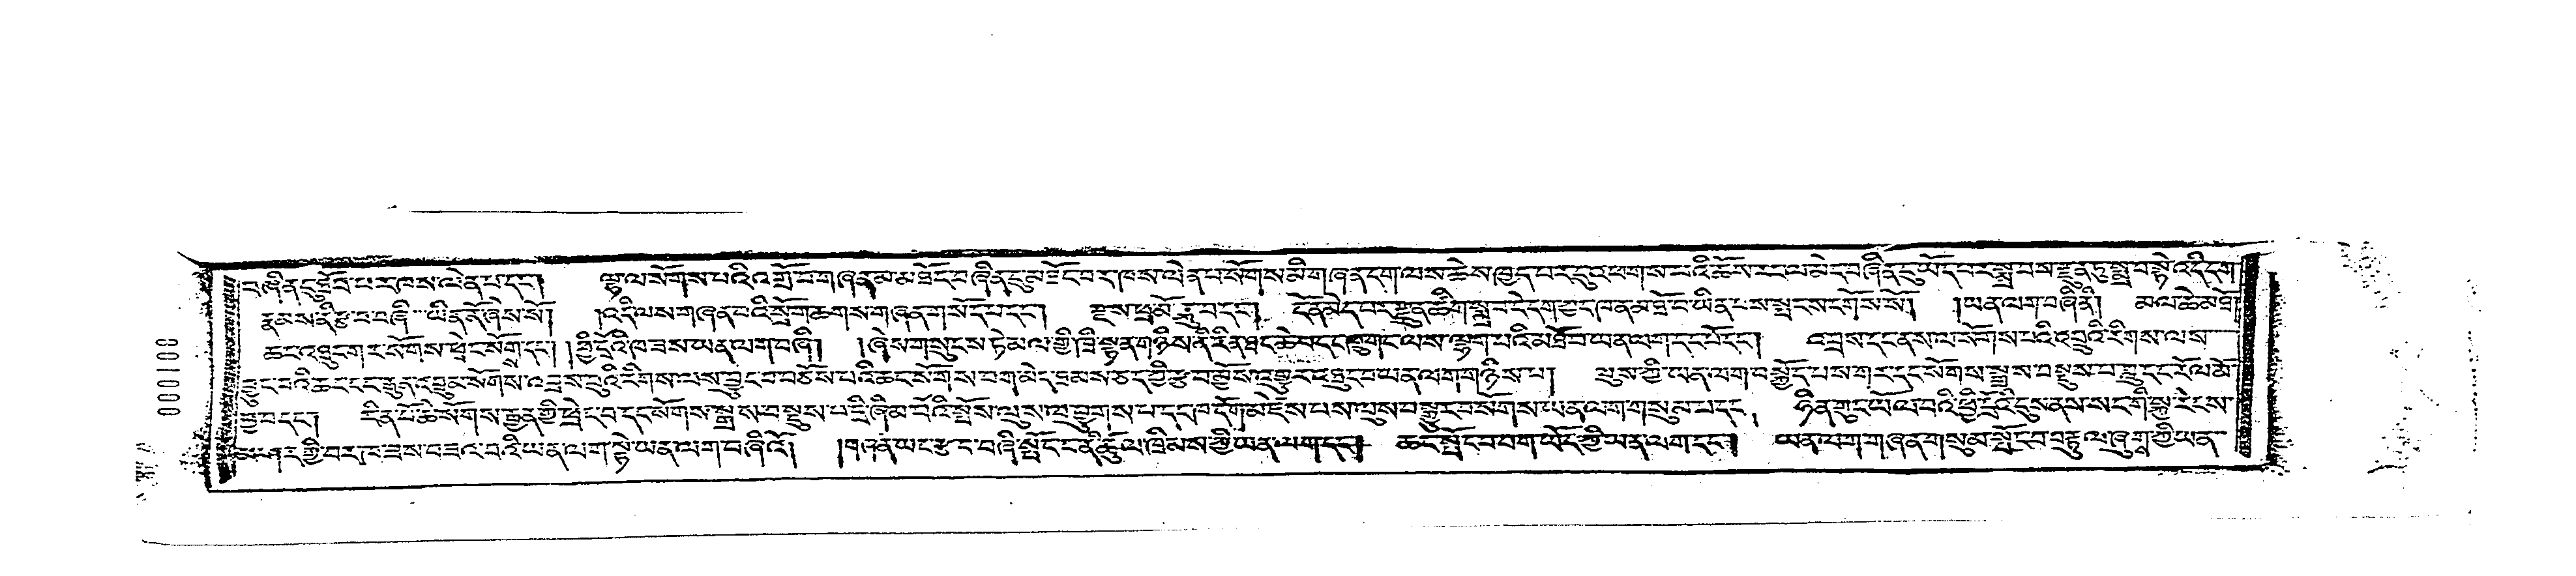བཞིན་དུ་ཐོབ་པར་ཁས་ལེན་པ་དང་། ལྷ་ལ་སོགས་པའི་འགྲོ་བ་གཞན་མ་མཐོང་བཞིན་དུ་མཐོང་བར་ཁས་ལེན་པ་སོགས་མི་གཞན་དག་ལས་ཆེས་ཁྱད་པར་དུ་འཕགས་པའི་ཆོས་རང་ལ་མེད་བཞིན་དུ་ཡོད་པར་སྨྲ་བས་རྫུན་ཏུ་སྨྲ་བ་སྟེ་འདི་དག་
རྣམས་ནི་རྩ་བ་བཞི་ཡིན་ནོ་ཞེས་སོ། །འདི་ལས་གཞན་པའི་སྲོག་ཆགས་གཞན་གསོད་པ་དང་། རྫས་ཕྲ་མོ་རྐུ་བ་དང་། དོན་མེད་པར་རྫུན་ཚིག་སྨྲ་བ་དེ་དག་ཀྱང་ཁ་ན་མ་ཐོ་བ་ཡིན་པས་སྤངས་དགོས་སོ། །ཡན་ལག་བཞི་ནི། མལ་ཆེ་མཐོ།
ཆང་འཐུང་གར་སོགས་ཕྲེང་སོགས་དང་། །ཕྱི་དྲོའི་ཁ་ཟས་ཡན་ལག་བཞི། །ཞེས་གསུངས་ཏེ་མལ་གྱི་ཁྲི་སྟན་གཉིས་ནི་རིན་ཐང་ཆེ་བ་དང་ཁྲུ་གང་ལས་ལྷག་པའི་མཐོ་བ་ཡན་ལག་དང་པོ་དང་། འབྲས་དང་ནས་ལ་སོགས་པའི་འབྲུའི་རིགས་ལས་
བྱུང་བའི་ཆང་དང་རྒུན་འབྲུམ་སོགས་འབྲས་བུའི་རིགས་ལས་བྱུང་བ་བཅོས་པའི་ཆང་སོགས་བག་མེད་ཐམས་ཅད་ཀྱི་རྩ་བ་མྱོས་འགྱུར་འཐུང་བ་ཡན་ལག་གཉིས་པ། ལུས་ཀྱི་ཡན་ལག་བསྐྱོད་པས་གར་དང་སོགས་སྒྲས་བསྡུས་པ་བླུ་དང་རོལ་མོ་
བྱ་བ་དང་། རིན་པོ་ཆེ་སོགས་རྒྱན་གྱི་ཕྲེང་བ་དང་སོགས་སྒྲས་བསྡུས་པ་དྲི་ཞིམ་པོའི་སྤོས་ལུས་ལ་བྱུགས་པ་དང་ཁ་དོག་མཛེས་པས་ལུས་བསྒྱུར་བ་སོགས་ཡན་ལག་གསུམ་པ་དང་། ཉིན་གུང་ཡོལ་བའི་ཕྱི་དྲོའི་དུས་ནས་སང་གི་སྐྱ་རེངས་
མ་ཤར་གྱི་བར་ཁ་ཟས་བཟའ་བའི་ཡན་ལག་སྟེ་ཡན་ལག་བཞིའོ། །གཞན་ཡང་རྩང་བཞི་སྤོང་ང་ནི་ཚུལ་ཁྲིམས་ཀྱི་ཡན་ལག་དང་། ཆང་སྤོང་བ་བག་ཡོད་ཀྱི་ཡན་ལག་དང་། ཡན་ལག་གཞན་གསུམ་སྤོང་བ་བརྟུལ་ཞུགས་ཀྱི་ཡན་